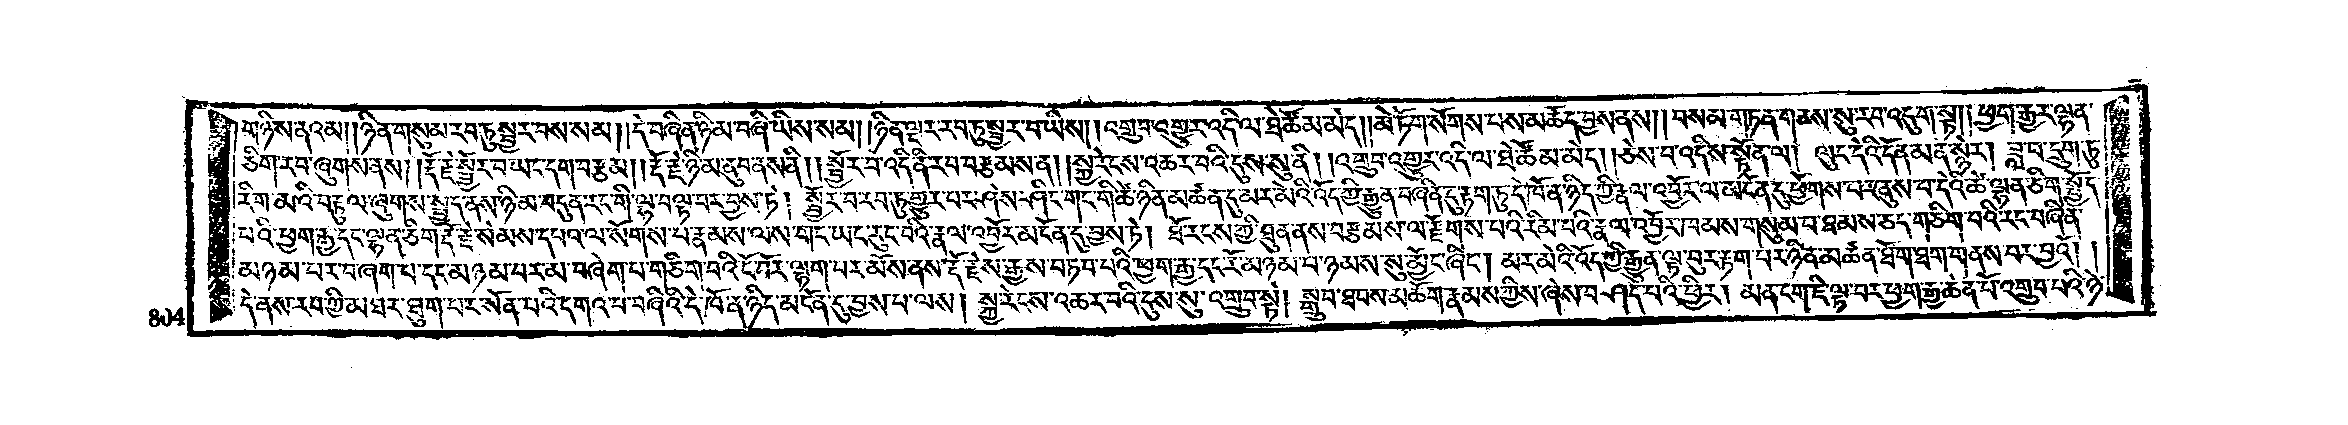གཉིས་ནའམ། །ཉིན་གསུམ་རབ་ཏུ་སྦྱར་བས་སམ། །དེ་བཞིན་ཉི་མ་བཞི་ཡིས་སམ། །ཉིན་ལྔར་རབ་ཏུ་སྦྱར་བ་ཡིས། །འགྲུབ་འགྱུར་འདི་ལ་ཐེ་ཚོམ་མེད། །མེ་ཏོག་སོགས་པས་མཆོད་བྱས་ནས། །བསམ་གཏན་གནས་སུ་རབ་འདུག་སྟེ། །ཕྱག་རྒྱར་ལྷན་
ཅིག་རབ་ཞུགས་ནས། །རྡོ་རྗེ་སྦྱོར་བ་ཡང་དག་བརྩམ། །རྡོ་རྗེ་ཉི་མ་ནུབ་ནས་ནི། །སྦྱོར་བ་འདི་ནི་རབ་བརྩམས་ན། །སྐྱ་རེངས་འཆར་བའི་དུས་སུ་ནི། །འགྲུབ་འགྱུར་འདི་ལ་ཐེ་ཚོམ་མེད། །ཅེས་པ་འདིས་སྟོན་ལ། ལུང་དེའི་དོན་མན་སྙེར། ཟླ་བ་དྲུག་ཏུ་
རིག་མའི་བརྟུལ་ཞུགས་སྤྱད་ནས་ཉི་མ་བདུན་རང་གི་ལྷ་བལྟ་བར་བྱས་ཏེ། སྦྱོར་བ་རབ་ཏུ་གྱུར་པར་ཤེས་ཤིང་གང་གི་ཚེ་ཉིན་མཚན་དུ་མར་མེའི་འོད་ཀྱི་རྒྱུན་བཞིན་དུ་རྟག་ཏུ་དེ་ཁོ་ན་ཉིད་ཀྱི་རྣལ་འབྱོར་ལ་མངོན་དུ་ཕྱོགས་པར་ནུས་པ་དེའི་ཚེ་ལྷན་ཅིག་སྤྱོད་
པའི་ཕྱག་རྒྱ་དང་ལྷན་ཅིག་རྡོ་རྗེ་སེམས་དཔའ་ལ་སོགས་པ་རྣམས་ལས་གང་ཡང་རུང་བའི་རྣལ་འབྱོར་མངོན་དུ་བྱས་ཏེ། ཐོ་རངས་ཀྱི་ཐུན་ནས་བརྩམས་ལ་རྫོགས་པའི་རིམ་པའི་རྣལ་འབྱོར་ཁམས་གསུམ་པ་ཐམས་ཅད་གཅིག་པའི་རང་བཞིན་
མཉམ་པར་བཞག་པ་དང་མཉམ་པར་མ་བཞག་པ་གཅིག་པའི་ངོ་བོར་ལྷག་པར་མོས་ནས་རྡོ་རྗེས་རྒྱས་བཏབ་པའི་ཕྱག་རྒྱ་དང་རོ་མཉམ་པ་ཉམས་སུ་མྱོང་ཞིང་། མར་མེའི་འོད་ཀྱི་རྒྱུན་ལྟ་བུར་རྟག་པར་ཉིན་མཚན་ཐོག་ཐག་གནས་པར་བྱའོ། །
དེ་ནས་རབ་ཀྱི་མཐར་ཐུག་པར་སོན་པའི་དགའ་བ་བཞིའི་དེ་ཁོ་ན་ཉིད་མངོན་དུ་བྱས་པ་ལས། སྐྱ་རེངས་འཆར་བའི་དུས་སུ་འགྲུབ་སྟེ། སྒྲུབ་ཐབས་མཆོག་རྣམས་ཀྱིས་ཞེས་བཤད་པའི་ཕྱིར། མན་ངག་ཇི་ལྟ་བར་ཕྱག་རྒྱ་ཆེན་པོ་འགྲུབ་པའི་ཉེ་